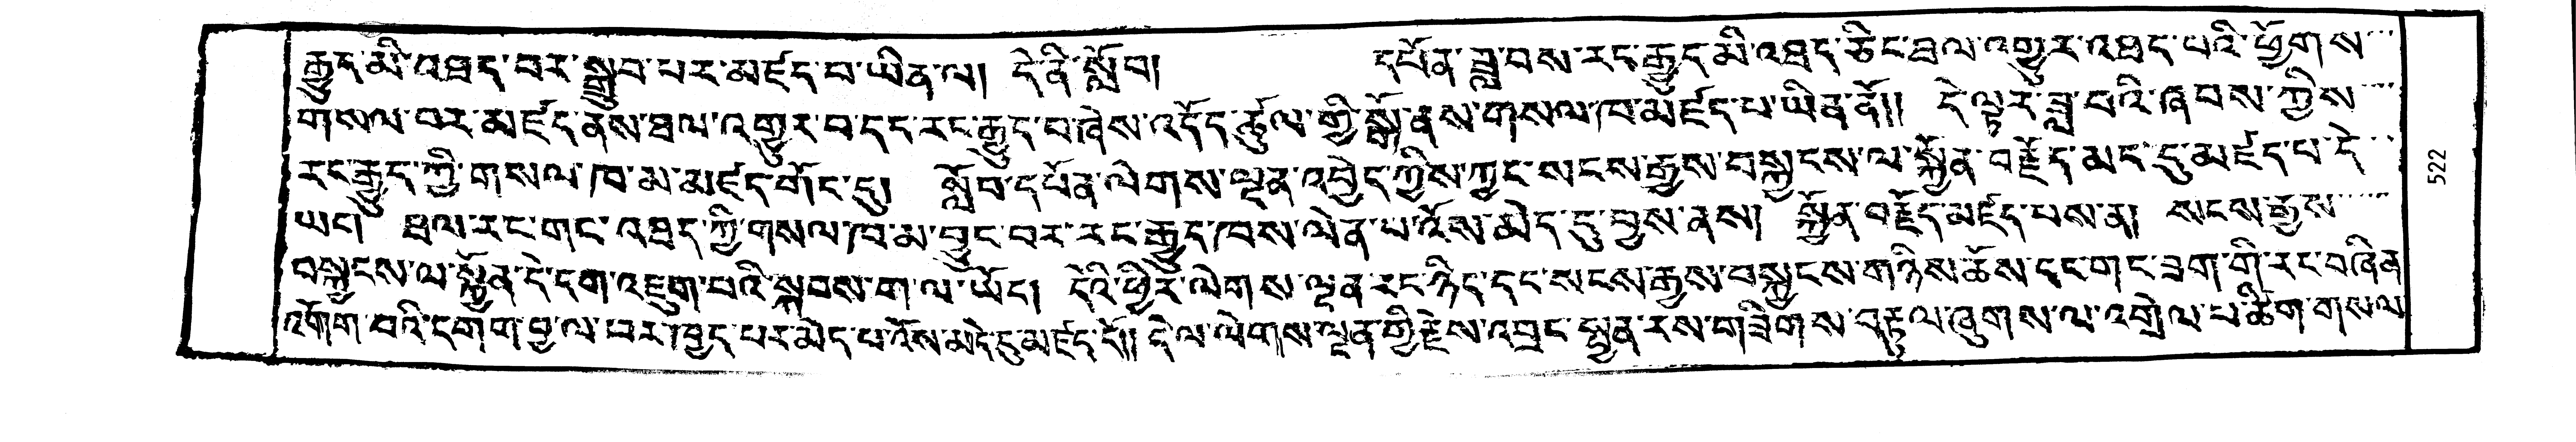རྒྱུད་མི་འཐད་བར་སྒྲུབ་པར་མཛད་པ་ཡིན་ལ། དེ་ནི་སློབ། དཔོན་ཟླ་བས་རང་རྒྱུད་མི་འཐད་ཅིང་ཐལ་འགྱུར་འཐད་པའི་ཕྱོགས་
གསལ་བར་མཛད་ནས་ཐལ་འགྱུར་བ་དང་རང་རྒྱུད་པ་ཞེས་འདོད་ཚུལ་གྱི་སྒོ་ནས་གསལ་ཁ་མཛད་པ་ཡིན་ནོ། །དེ་ལྟར་ཟླ་བའི་ཞབས་ཀྱིས་
རང་རྒྱུད་ཀྱི་གསལ་ཁ་མ་མཛད་གོང་དུ། སློབ་དཔོན་ལེགས་ལྡན་འབྱེད་ཀྱིས་ཀྱང་སངས་རྒྱས་བསྐྱངས་ལ་སྐྱོན་བརྗོད་མང་དུ་མཛད་པ་དེ་
ཡང་། ཐལ་རང་གང་འཐད་ཀྱི་གསལ་ཁ་མ་བྱུང་བར་རང་རྒྱུད་ཁས་ལེན་པ་འོས་མེད་དུ་བྱས་ནས། སྐྱོན་བརྗོད་མཛད་པས་ན། སངས་རྒྱས་
བསྐྱངས་ལ་སྐྱོན་དེ་དག་འཇུག་པའི་སྐབས་ག་ལ་ཡོད། དེའི་ཕྱིར་ལེགས་ལྡན་རང་ཉིད་དང་སངས་རྒྱས་བསྐྱངས་གཉིས་ཆོས་དང་གང་ཟག་གི་རང་བཞིན་
འགོག་པའི་དགག་བྱ་ལ་བར་ཁྱད་པར་མེད་པ་འོས་མེད་དུ་མཛད་དོ། །དེ་ལ་ལེགས་ལྡན་གྱི་རྗེས་འབྲང་སྤྱན་རས་གཟིགས་བརྟུལ་ཞུགས་ལ་འགྲེལ་པ་ཚིག་གསལ་